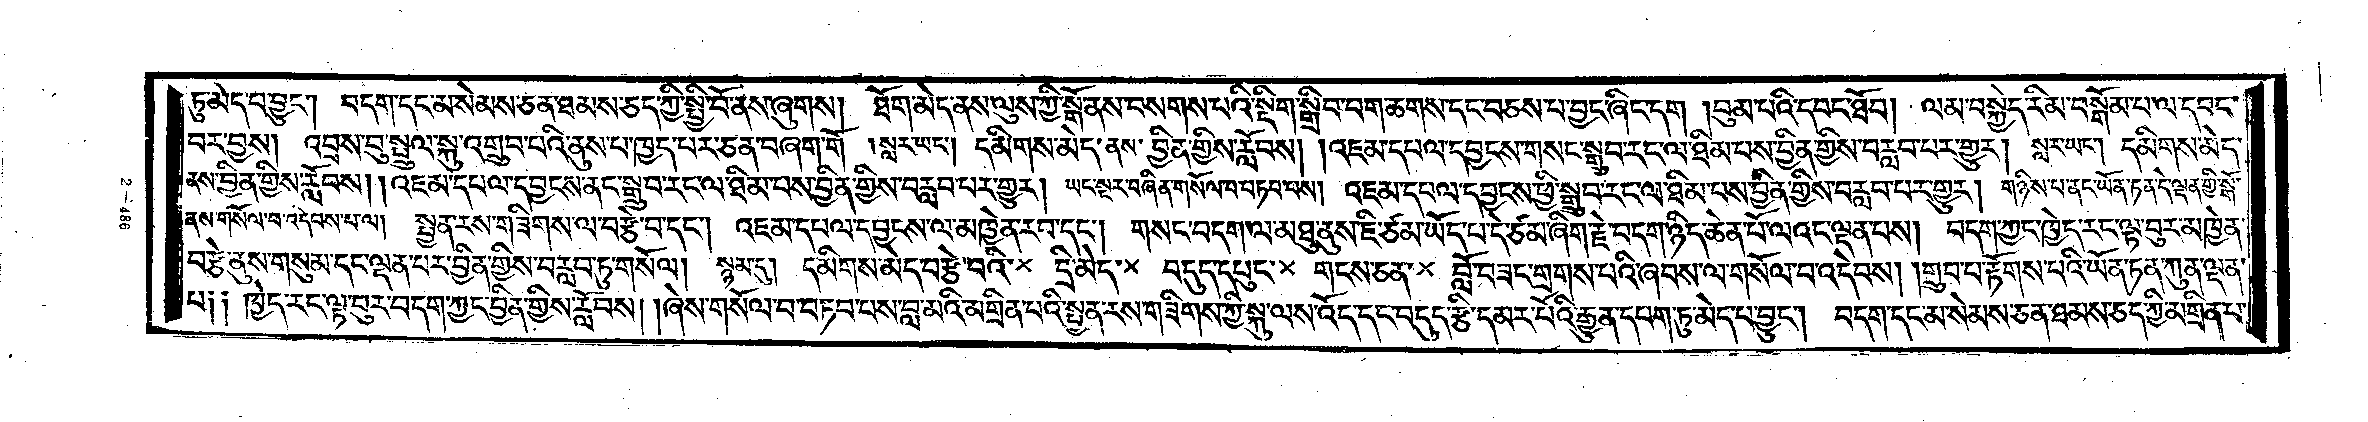ཏུ་མེད་པ་བྱུང་། བདག་དང་མ་སེམས་ཅན་ཐམས་ཅད་ཀྱི་སྤྱི་བོ་ནས་ཞུགས། ཐོག་མེད་ནས་ལུས་ཀྱི་སྒོ་ནས་བསགས་པའི་སྡིག་སྒྲིབ་བག་ཆགས་དང་བཅས་པ་བྱང་ཞིང་དག །བུམ་པའི་དབང་ཐོབ། ལམ་བསྐྱེད་རིམ་བསྒོམ་པ་ལ་དབང་
བར་བྱས། འབྲས་བུ་སྤྲུལ་སྐུ་འགྲུབ་བའི་ནུས་པ་ཁྱད་པར་ཅན་བཞག་གོ་།སླར་ཡང་།  དམིགས་མེད་ནས་བྱིན་གྱིས་རློབས། །འཇམ་དཔལ་དབྱངས་གསང་སྒྲུབ་རང་ལ་ཐིམ་པས་བྱིན་གྱིས་བརླབ་པར་གྱུར། སླར་ཡང་།  དམིགས་མེད་
ནས་བྱིན་གྱིས་རློབས། །འཇམ་དཔལ་དབྱངས་ནང་སྒྲུབ་རང་ལ་ཐིམ་པས་བྱིན་གྱིས་བརླབ་པར་གྱུར། ཡང་སྔར་བཞིན་གསོལ་བ་བཏབ་པས།  འཇམ་དཔལ་དབྱངས་ཕྱི་སྒྲུབ་རང་ལ་ཐིམ་པས་བྱིན་གྱིས་བརླབ་པར་གྱུར། གཉིས་པ་ནང་ཡོན་ཏན་དེ་ལྟར་གྱི་སྒོ་
ནས་གསོལ་བ་འདེབས་པ་ལ། སྤྱན་རས་གཟིགས་ལ་བརྩེ་བ་དང་། འཇམ་དཔལ་དབྱངས་ལ་མཁྱེན་རབ་དང་། གསང་བདག་ལ་མཐུ་ནུས་ཇི་ཙམ་ཡོད་པ་དེ་ཙམ་ཞིག་རྗེ་བདག་ཉིད་ཆེན་པོ་ལའང་ལྡན་པས། །བདག་ཀྱང་ཁྱེད་རང་ལྟ་བུར་མཁྱེན་
བརྩེ་ནུས་གསུམ་དང་ལྡན་པར་བྱིན་གྱིས་བརླབ་ཏུ་གསོལ། སྙན་དུ།  དམིགས་མེད་བརྩེ་བའི་྾་དྲི་མེད་྾་བདུད་དཔུང་྾་གངས་ཅན་྾་བློ་བཟང་གྲགས་པའི་ཞབས་ལ་གསོལ་བ་འདེབས། །གྲུབ་པ་རྟོགས་པའི་ཡོན་ཏན་ཀུན་ལྡན་
པ། །ཁྱེད་རང་ལྟ་བུར་བདག་ཀྱང་བྱིན་གྱིས་རློབས། །ཞེས་གསོལ་བ་བཏབ་པས་བླ་མའི་མགྲིན་པ་སྤྱན་རས་གཟིགས་ཀྱི་སྐུ་ལས་འོད་དང་བདུད་རྩི་དམར་པོའི་རྒྱུན་དཔག་ཏུ་མེད་པ་བྱུང་། བདག་དང་མ་སེམས་ཅན་ཐམས་ཅད་ཀྱི་མགྲིན་པ་